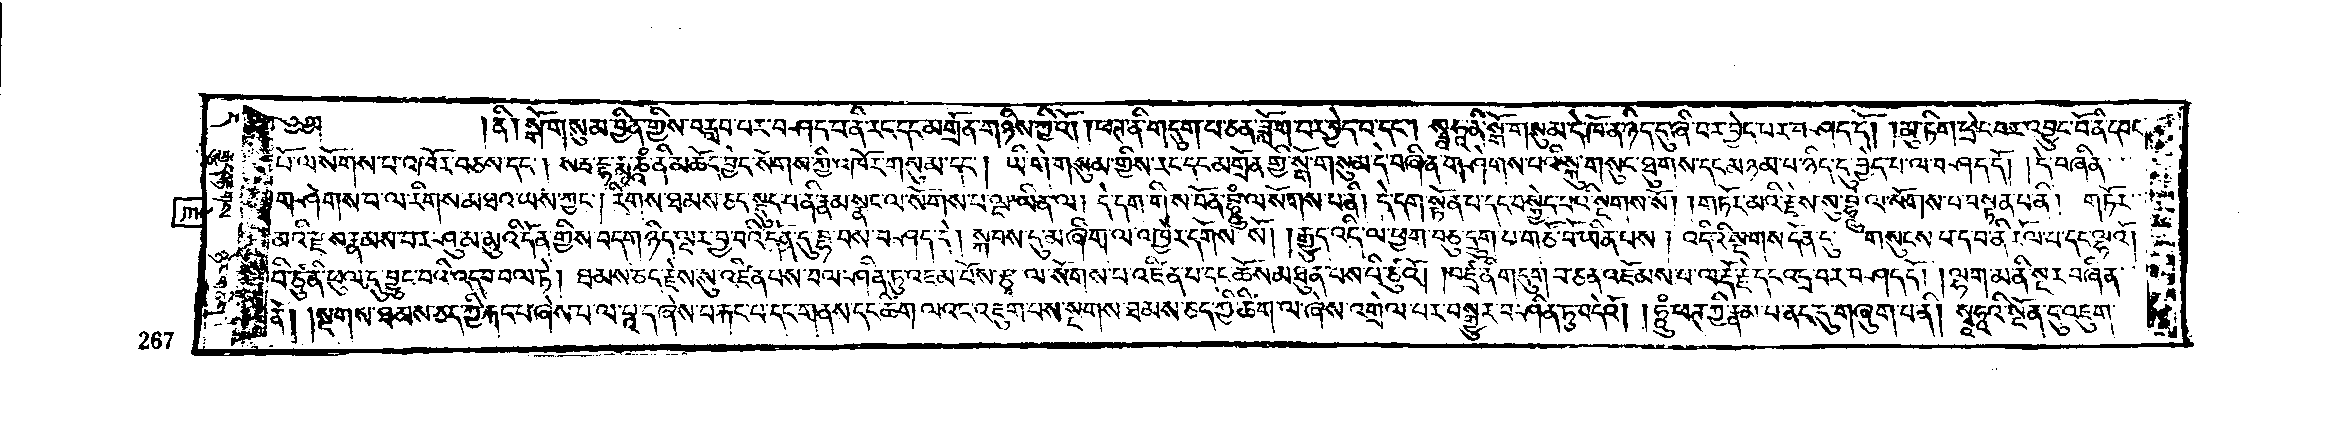༄༅། །ནི། སྒོ་གསུམ་བྱིན་གྱིས་བརླབ་པར་བཤད་པ་ནི་རང་དང་མགྲོན་གཉིས་ཀྱིའོ། །ཕགས་ནི་གདུག་པ་ཅན་ཟློག་པར་བྱེད་པ་དང་། སྭཱཧཱ་ནི་སྒོ་གསུམ་དེ་ཁོ་ན་ཉིད་དུ་ཞི་བར་བྱེད་པར་བཤད་དོ། །མུ་ཏིག་ཕྲེང་བར་འབྱུང་བོ་ནི་དབང་
པོ་ལ་སོགས་པ་འཁོར་བཅས་དང་། སརྦ་དྷ་རྨཱ་ཎཱཾ་ནི་མཆོད་བྱེད་སོགས་ཀྱི་འཁོར་གསུམ་དང་། ཡི་གེ་གསུམ་གྱིས་རང་དང་མགྲོན་གྱི་སྒོ་གསུམ་དེ་བཞིན་གཤེགས་པའི་སྐུ་གསུང་ཐུགས་དང་མཉམ་པ་ཉིད་དུ་བྱེད་པ་ལ་བཤད་དོ། །དེ་བཞིན་
གཤེགས་པ་ལ་རིགས་མཐའ་ཡས་ཀྱང་། རིགས་ཐམས་ཅད་སྡུད་པ་ནི་རྣམ་སྣང་ལ་སོགས་པ་ལྔ་ཡིན་ལ། དེ་དག་གི་ས་བོན་བྷཱུཾ་ལ་སོགས་པ་ནི། དེ་དག་སྟོན་པ་དང་བསྐྱེད་པའི་སྔགས་སོ། །གཏོར་མའི་རྗེས་སུ་བྷཱུཾ་ལ་སོགས་པ་བསྟན་པ་ནི། གཏོར་
མའི་རྫས་རྣམས་པར་ཤུ་མ་མུའི་དོན་གྱིས་བདག་ཉིད་ལྔར་བྱ་བའི་དོན་དུ་བྷ་བས་བཤད་དེ། སྐབས་དུ་མ་ཞིག་ལ་འཁྱེར་དགོས་སོ། །རྒྱུད་འདི་ལ་ཕྱག་བཅུ་དྲུག་པ་གཙོ་བོ་ཡིན་པས། འདིའི་སྔགས་དོན་དུ་གསུངས་པ་ད་བ་ནི་རོལ་པ་དང་ལྷའོ།
པི་ཙུ་ནི་ཕུལ་དུ་བྱུང་བའི་འདབ་བལ་ཏེ། ཐམས་ཅད་རྗེས་སུ་འཛིན་པས་བལ་ཤིན་ཏུ་འཇམ་པོས་རྩྭ་ལ་སོགས་པ་འཛིན་པ་དང་ཆོས་མཐུན་པས་པི་ཙུའོ། །བཛྲ་ནི་གདུག་པ་ཅན་འཇོམས་པ་ལ་རྡོ་རྗེ་དང་འདྲ་བར་བཤད་དོ། །ལྷག་མ་ནི་སྔར་བཞིན་
ནོ། །སྔགས་ཐམས་ཅད་ཀྱི་རྐང་པ་ཞེས་པ་ལ་པཱ་ད་ཞེས་པ་རྐང་པ་དང་གནས་དང་ཚིག་ལའང་འཇུག་པས་སྔགས་ཐམས་ཅད་ཀྱི་ཚིག་ལ་ཞེས་འགྲེལ་པར་བསྒྱུར་བ་ཤིན་ཏུ་བདེའོ། །ཧཱུཾ་ཕཊ་ཀྱི་རྣམ་པ་ནང་དུ་གཞུག་པ་ནི། སྭཱཧཱའི་སྔོན་དུ་འཇུག་